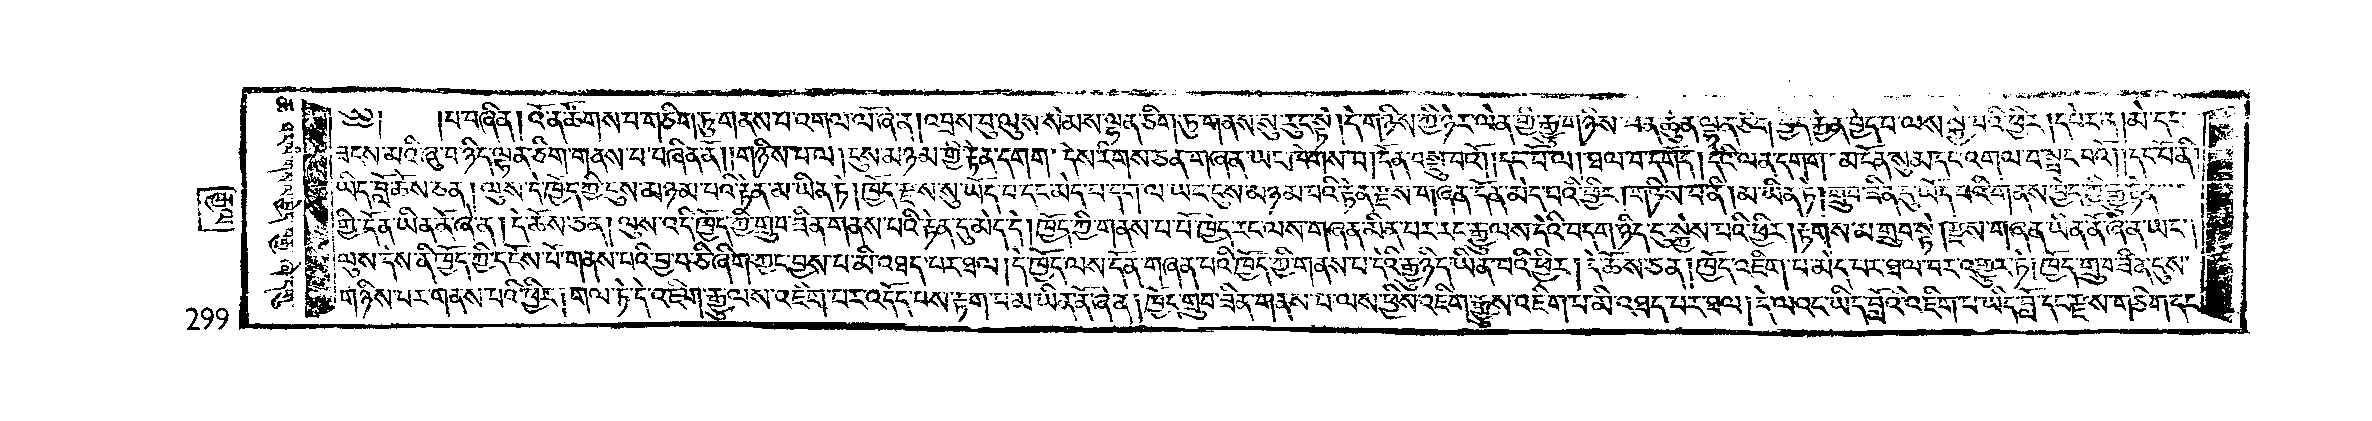༄༅། །པ་བཞིན། འོ་ན་ཚོགས་པ་གཅིག་ཏུ་གནས་པ་འགལ་ལོ་ཞེ་ན། འབྲས་བུ་ལུས་སེམས་ལྷན་ཅིག་ཏུ་གནས་སུ་རུང་སྟེ། དེ་གཉིས་ཀྱི་ཉེར་ལེན་གྱི་རྒྱུ་གཉིས་ཕན་ཚུན་ལྷན་ཅིག་བྱེད་རྐྱེན་བྱེད་པ་ལས་སྐྱེ་བའི་ཕྱིར། དཔེར་ན། མེ་དང་
ཟངས་མའི་ཞུ་བ་ཉིད་ལྷན་ཅིག་གནས་པ་བཞིན་ནོ། །གཉིས་པ་ལ། དུས་མཉམ་གྱི་རྟེན་དགག་དེས་རིགས་ཅན་གཞན་ཡང་ཁེགས་པ། དོན་བསྡུ་བའོ། །དང་པོ་ལ། ཐལ་བ་དགོད། དེའི་ལན་དགག་མངོན་སུམ་དང་འགལ་བ་སྤང་བའོ། །དང་པོ་ནི།
ཡིད་བློ་ཆོས་ཅན། ལུས་དེ་ཁྱོད་ཀྱི་དུས་མཉམ་པའི་རྟེན་མ་ཡིན་ཏེ། ཁྱོད་རྫས་སུ་ཡོད་པ་དང་མེད་པ་དག་ལ་ཡང་དུས་མཉམ་པའི་རྟེན་རྫས་གཞན་དོན་མེད་པའི་ཕྱིར། གཉིས་པ་ནི། མ་ཡིན་ཏེ། གྲུབ་ཟིན་དུ་ཡོད་པའི་གནས་བྱེད་ཀྱི་རྒྱུ་རྟེན་
གྱི་དོན་ཡིན་ནོ་ཞེ་ན། དེ་ཆོས་ཅན། ལུས་འདི་ཁྱོད་ཀྱི་གྲུབ་ཟིན་གནས་པའི་རྟེན་དུ་མེད་དེ། ཁྱོད་ཀྱི་གནས་པ་པོ་ཁྱོད་རང་ལས་གཞན་མིན་པར་རང་རྒྱུ་ལས་དེའི་བདག་ཉིད་དུ་སྐྱེས་པའི་ཕྱིར། རྟགས་མ་གྲུབ་སྟེ། རྫས་གཞན་ཡིན་ནོ་ཞེ་ན་ཡང་།
ལུས་དེས་ནི་ཁྱོད་ཀྱི་དངོས་པོ་གནས་པའི་བྱ་བ་ཅི་ཞིག་ཀྱང་བྱས་པ་མི་འཐད་པར་ཐལ། དེ་ཁྱོད་ལས་དོན་གཞན་པའི་ཁྱོད་ཀྱི་ངས་པ་དེའི་རྒྱུ་ཉིད་ཡིན་པའི་ཕྱིར། དེ་ཆོས་ཅན། ཁྱོད་འཇིག་པ་མེ་པར་ཐལ་བར་འགྱུར་ཏེ། ཁྱོད་གྲུབ་ཟིན་དུས་
གཉིས་པར་གནས་པའི་ཕྱིར། གལ་ཏེ་དེ་འཇིག་རྒྱུ་ལས་འཇིག་པར་འདོད་པས་རྟག་པ་མ་ཡིན་ནོ་ཞེ་ན། ཁྱོད་གྲུབ་ཟིན་གནས་པ་ལས་ཕྱིས་འཇིག་རྒྱུས་འཇིག་པ་མི་འཐད་པར་ཐལ། དེ་ལའང་ཡིད་བློའི་འཇིག་པ་ཡིད་བློ་དང་རྫས་གཅིག་དང་